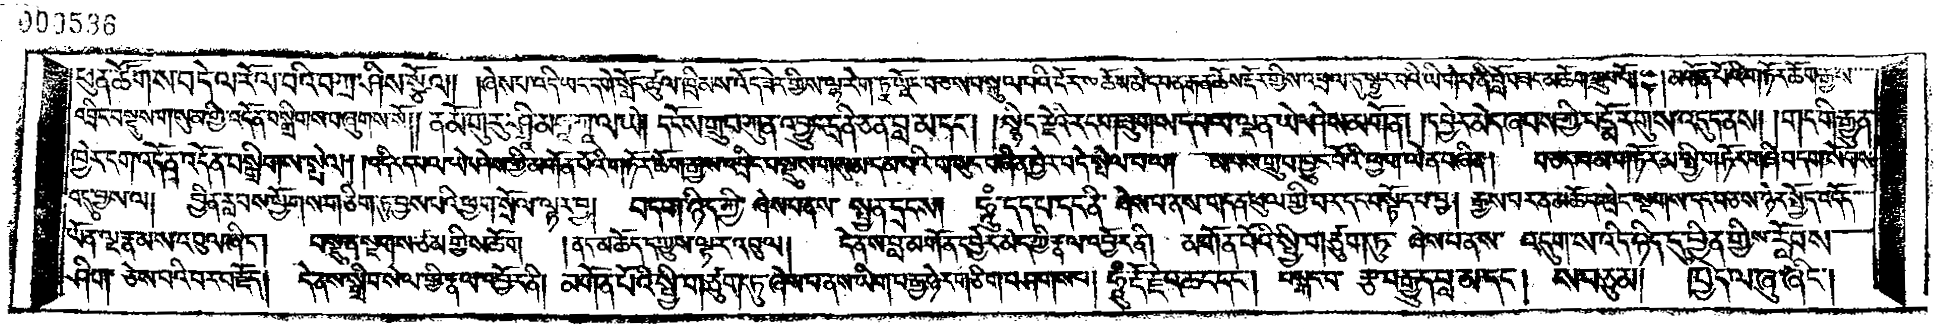ཕུན་ཚོགས་བདེ་ལ་རོལ་བའི་བཀྲ་ཤིས་སྩོལ། །ཞེས་པ་འདི་ཡང་དགེ་སློང་ཚུལ་ཁྲིམས་འོད་ཟེར་གྱིས་ལྷ་རེག་ཏཱ་ཡOང་བཅས་བསྐུལ་བའི་ངོར་༧་ཆོས་མེད་བན་རྒན་ཆོས་རྡོར་གྱིས་འཕྲལ་དུ་སྦྱར་བའི་ཡི་གེ་པ་ནི་བློ་བཟང་མཆོག་གྲུབ་བོ། ༈ །མགོན་པོའི་གཏོར་ཆོག་རྒྱས་
འབྲིང་བསྡུས་གསུམ་གྱི་འདོན་བསྒྲིགས་བཞུགས་སོ། ། ན་མོ་གུ་རུ་ཤྲཱི་མཧཱ་ཀཱ་ལ་ཡེ། དངོས་གྲུབ་ཀུན་འབྱུང་དྲིན་ཅན་བླ་མ་དང་། །སྙིང་རྗེའི་རང་གཟུགས་དཔལ་ལྡན་ཡེ་ཤེས་མགོན། །དབྱེར་མེད་ཞབས་ཀྱི་པདམོར་གུས་འདུད་ནས། །གང་གི་རྒྱུན་
ཁྱེར་ངག་འདོན་འདོན་བསྒྲིགས་སྤེལ། །འདིར་དཔལ་ཡེ་ཤེས་ཀྱི་མགོན་པོའི་གཏོར་ཆོག་རྒྱས་འབྲིང་བསྡུས་གསུམ་དམ་པའི་གསུང་བཞིན་ཁྱེར་བདེ་སྤེལ་པ་ལ། མཁས་གྲུབ་ཁྱུང་པོའི་ཕྱག་ལེན་བཞིན། བཅད་ཁམ་གཏོར་མ་སྤྱི་གཏོར་གཞི་བདག་སོགས་
འདུ་བྱས་ལ། བྱིན་རླབས་ཕྱོགས་གཅིག་ཏུ་བྱས་པའི་ཕྱག་སྲོལ་ལྟར་བྱ། བདག་ཉིད་ཀྱི་ཞེས་པ་ནས་སྤྱན་དྲངས། ཧཱུཾ་དད་པ་དང་ནི་ཞེས་པ་ནས་གདན་ཕུལ་གྱི་བར་དང་བསྟོད་པ་བྱ། རྒྱས་པར་ན་མཆོད་འཕྲེང་སྔགས་དང་བཅས་ཉེར་སྤྱོད་འདོད་
ཡོན་ལྔ་རྣམས་འབུལ་ཞིང་། བསྡུ་ན་སྔགས་ཙམ་གྱིས་ཆོག །ནང་མཆོད་དཀྱུས་ལྟར་འབུལ། དེ་ནས་བླ་མགོན་དབྱེར་མེད་ཀྱི་རྣལ་འབྱོར་ནི། མགོན་པོའི་སྤྱི་གཙུག་ཏུ་ཞེས་པ་ནས་འདུག་ས་འདི་ཉིད་དུ་བྱིན་གྱིས་རློབས་
ཤིག་ཅེས་པའི་བར་བརྗོད། དེ་ནས་སྒྲིབ་སེལ་གྱི་རྣལ་འབྱོར་ནི།  མགོན་པོའི་སྤྱི་གཙུག་ཏུ་ཞེས་པ་ནས་ཡིག་བརྒྱ་ཉེར་གཅིག་བཤགས་པ།  ཧཱུཾ་རྡོ་རྗེ་འཆང་དང་། བསྐང་བ་རྩ་བརྒྱུད་བླ་མ་དང་། ས་བཅུ་མ། ཁྱེད་ལ་ཞུ་ཞིང་།